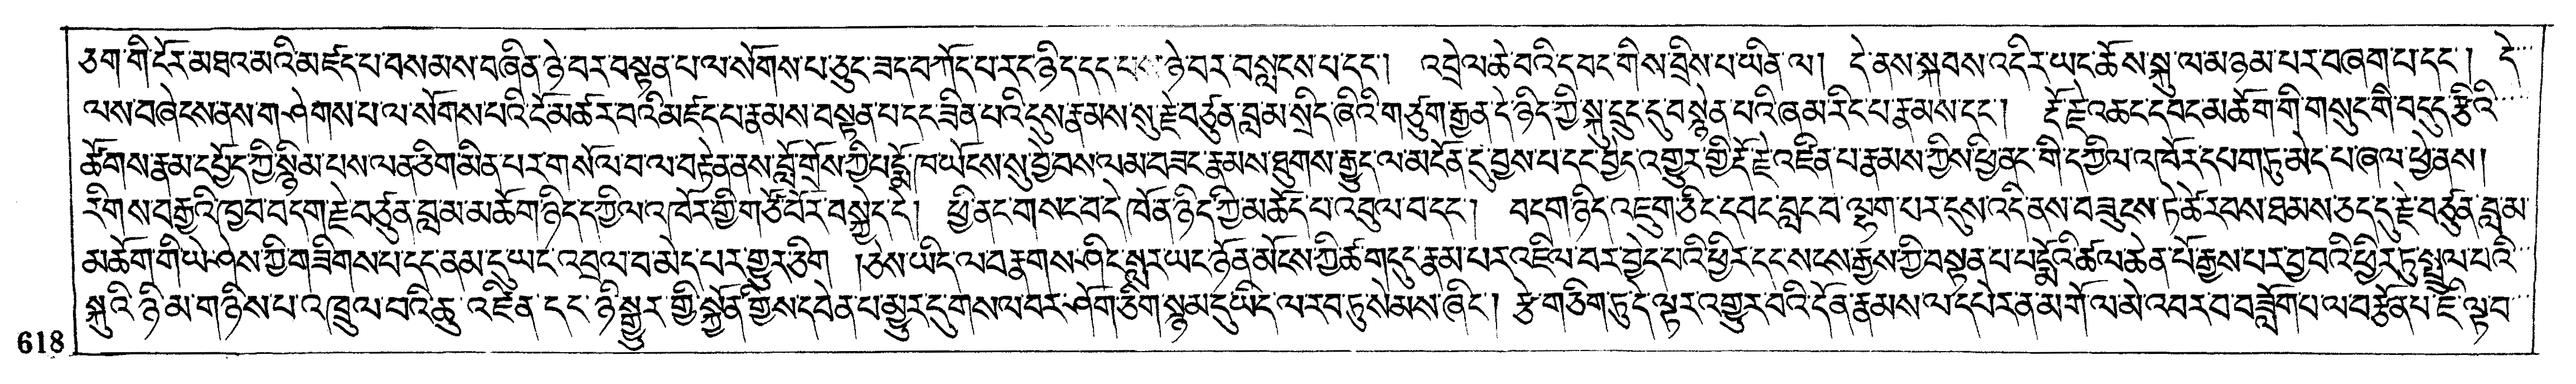ཅག་གི་ངོར་མཐའ་མའི་མཛད་པ་བསམས་བཞིན་ཉེ་བར་བསྟན་པ་ལ་སོགས་བཅུང་ཟད་བཀོད་པ་རང་ཉིད་དད་པས་ཉེ་བར་བསླངས་པ་དང་། འབྲེལ་ཆེ་བའི་དབང་གིས་བྲིས་པ་ཡིན་ལ། དེ་ནས་སྐབས་འདིར་ཡང་ཆོས་སྐུ་ལ་མཉམ་པར་བཞག་པ་དང་། དེ་
ལས་བཞེངས་ནས་གཤེགས་པ་ལ་སོགས་པའི་ངོ་མཚར་བའི་མཛད་པ་རྣམས་བསྟན་པ་དང་ཟིན་པའི་དུས་རྣམས་སུ་རྗེ་བཙུན་བླ་མ་སྲིད་ཞིའི་གཙུག་རྒྱན་དེ་ཉིད་ཀྱི་སྐུ་དྲུང་དུ་བསྙེན་པའི་ཞམ་རིང་པ་རྣམས་དང་། རྡོ་རྗེ་འཆང་དབང་མཆོག་གི་གསུང་གི་བདུད་རྩིའི་
ཚོགས་རྣམ་དཔྱོད་ཀྱི་སྙིམ་པས་ལན་ཅིག་མིན་པར་གསོལ་བ་ལ་བརྟེན་ནས་བློ་གྲོས་ཀྱི་པདམོ་ཁ་ཡོངས་སུ་བྱེ་བས་ལམ་བཟང་རྣམས་ཐུགས་རྒྱུད་ལ་མངོན་དུ་བྱས་པ་དང་བྱེད་འགྱུར་གྱི་རྡོ་རྗེ་འཛིན་པ་རྣམས་ཀྱིས་ཕྱི་ནང་གི་དཀྱིལ་འཁོར་དཔག་ཏུ་མེད་པ་ཞལ་ཕྱེ་ནས།
རིགས་བརྒྱའི་ཁྱབ་བདག་རྗེ་བཙུན་བླ་མ་མཆོག་ཉིད་དཀྱིལ་འཁོར་གྱི་གཙོ་བོར་བསྐྱེད་དེ། ཕྱི་ནང་གསང་བ་དེ་ཁོ་ན་ཉིད་ཀྱི་མཆོད་པ་འབུལ་བ་དང་། བདག་ཉིད་འཇུག་ཅིང་དབང་བླང་བ་ལྷག་པར་དུས་འདི་ནས་བཟུངས་ཏེ་ཚེ་རབས་ཐམས་ཅད་དུ་རྗེ་བཙུན་བླ་མ་
མཆོག་གི་ཡེ་ཤེས་ཀྱི་གཟིགས་པ་དང་ནམ་དུ་ཡང་འབྲལ་བ་མེད་པར་གྱུར་ཅིག །ཅེས་ཡིད་ལ་བརྣགས་ཤིང་སླར་ཡང་ཉོན་མོངས་ཀྱི་ཚ་གདུང་རྣམ་པར་འཇིལ་བར་བྱེད་པའི་ཕྱིར་དང་སངས་རྒྱས་ཀྱི་བསྟན་པ་པདམོའི་ཚལ་ཆེན་པོ་རྒྱས་པར་བྱ་བའི་ཕྱིར་ཏུ་སྤྲུལ་པའི་
སྐུའི་ཉི་མ་གཉིས་པ་འཁྲུལ་པའི་ཆུ་འཛིན་དང་ཉི་སྒྱུར་གྱི་སྐྱོན་གྱིས་དབེན་པ་མྱུར་དུ་གསལ་བར་ཤོག་ཅིག་སྙམ་དུ་ཡིད་ལ་རབ་ཏུ་སེམས་ཤིང་། རྩེ་གཅིག་ཏུ་དེ་ལྟར་འགྱུར་པའི་དོན་རྣམས་ལ་དཔེར་ན་མགོ་ལ་མེ་འབར་བ་བཟློག་པ་ལ་བརྩོན་པ་ཇི་ལྟ་བ་